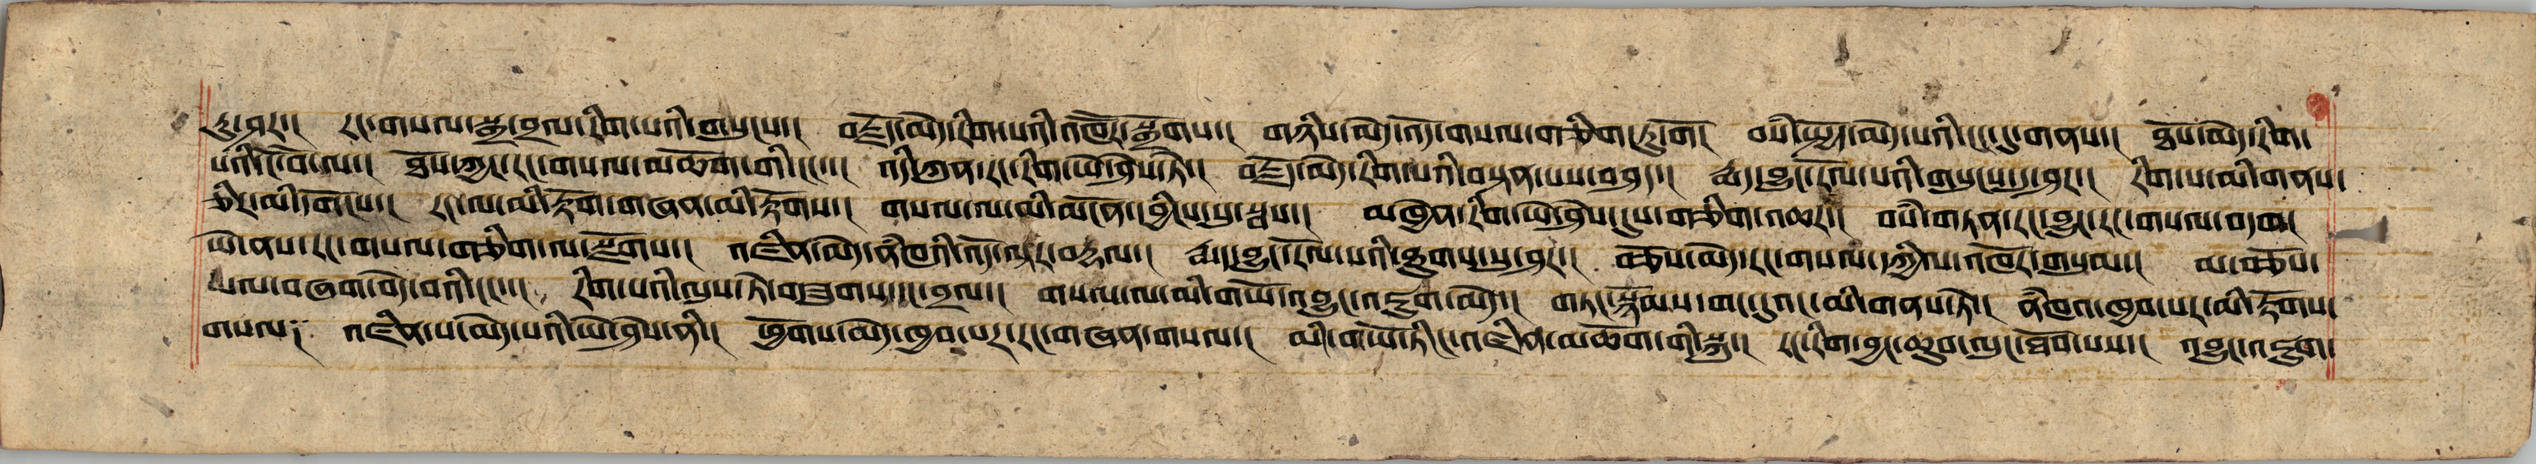རུ་ཤར་། རང་གསལ་སྒྲ་བྲལ་རིག་པའི་གསུངས་། བརྗོད་མེད་རིག་པའི་འཁཽར་སྒྲོགས་། གཉིས་མེད་འོད་གསལ་གཅིག་ཏུ་གོ། བསཾ་སྤྱོད་མེད་པའི་ངང་དུ་གནས་། ཐོས་མེད་རིག་
པའི་ངོ་བོ་ལ་། ཐོས་ཀྱང་རང་གསལ་མཆོག་གི་ངང་་། འདི་ཀུན་རང་རིག་ཡེ་ཤེས་ཏེ་། བརྗོད་མེད་རིག་པའི་བསྟན་པས་བཤད་། རྨད་བྱུང་རོལ་པའི་གསུངས་དུ་ཤར་། རིག་པ་མི་གནས་
ཅིར་མི་དགོངས་། རང་ལ་མི་རྟོག་གཞན་མི་རྟོགས་། གསལ་ལ་མི་མངོན་དབྱིངས་སུ་སྦས་། མཁྱེན་རིག་ཡེ་ཤེས་དུས་གཅིག་འཆར་། བསཾ་གཏན་རང་བྱུང་རང་གསལ་བདག།
ཡེ་ནས་རང་གསལ་གཅིག་ལ་སྫོགས་། འཛིན་མེད་མཾཁའི་འོད་ལྟར་བརྡལ་། རྨད་བྱུང་རོལ་པའི་ཐུགས་སུ་ཤར་། བཅོས་མེད་རང་གསལ་དཀྱིལ་འཁོར་གསུམ་། མ་བཅོས་
མལ་བཞག་བདེ་བའི་ངང་་། རིག་པའི་ལུས་ཏེ་གཟུགས་དང་བྲལ་། གསལ་ལ་མི་གཡོ་འབྱུང་འཇུག་མེད་། གཏང་སྙོམས་གང་དུའང་མི་གནས་ཏེ་། ནཾཁའ་ཁྱབ་པར་མི་རྟོགས་
གསལ༑ འཛིན་པ་མེད་པའི་ཡེ་ཤེས་ནི། ཕྱོགས་མེད་ཁྱབ་པར་རང་གཞན་གསལ་། མི་གཡོ་ཏིང་འཛིན་མཆོག་གི་སྐུ་། རང་རིག་བྱང་ཆུབ་ལུང་ཐོབ་པས་། འབྱུང་འཇུག་